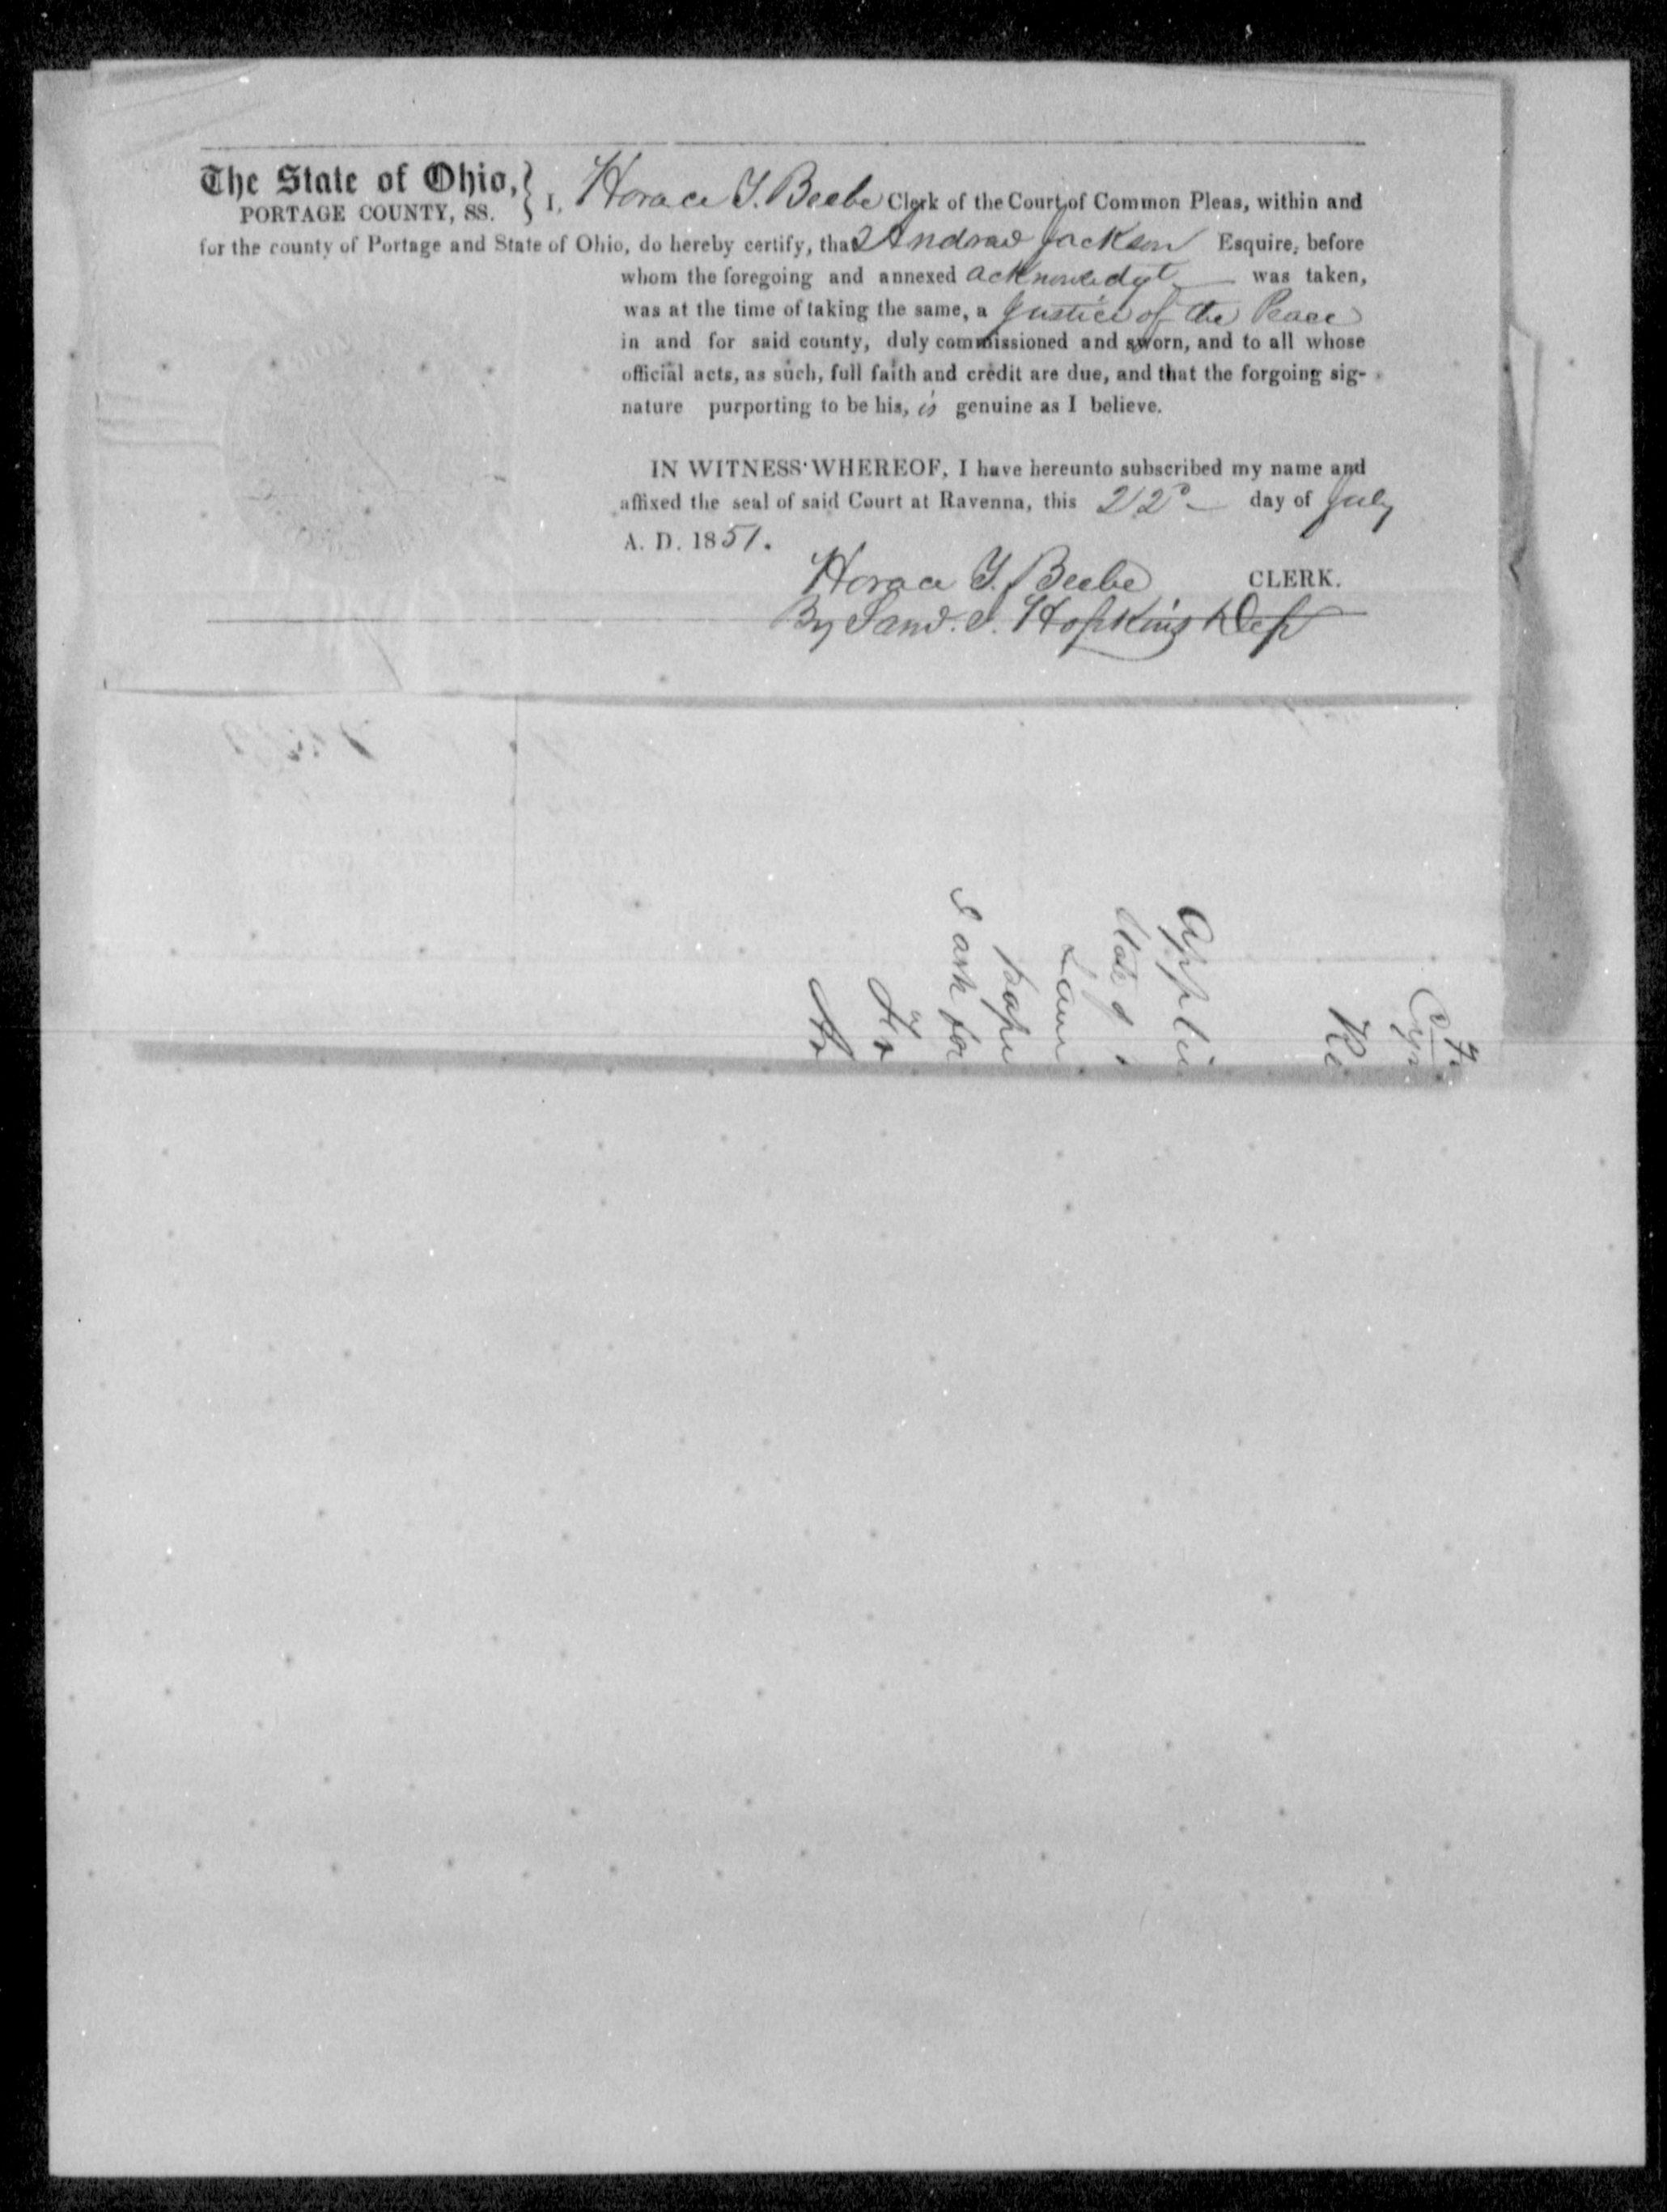The State of Ohio,
PORTAGE COUNTY, SS.} 
I, Horace T. Beebe Clerk of the Court of Common Pleas, within and for the county of Portage and State of Ohio, do hereby certify, that Andrew Jackson Esquire, before whom the foregoing and annexed acknowledgt [ACKNOWLEDGEMENT] was taken, was at the time of taking the same, a Justice of the Peace
in and for said county, duly commissioned and sworn, and to all whose official acts, as such, full faith and credit are due, and that the forgoing signature purporting to be his, is genuine as I believe.
IN WITNESS WHEREOF, I have hereunto subscribed my name and affixed the seal of said Court at Ravenna, this 22d day of July
A.D. 1851.
Horace T. Beebe CLERK.
By Saml. [SAMUEL] J. Hopkins Dep [DEPUTY]
[illegible]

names: Horace T Beebe; Andrew Jackson; Horace T Beebe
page: 22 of 109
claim: widow's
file: W. 5709, for Thomas Richards, New Hampshire